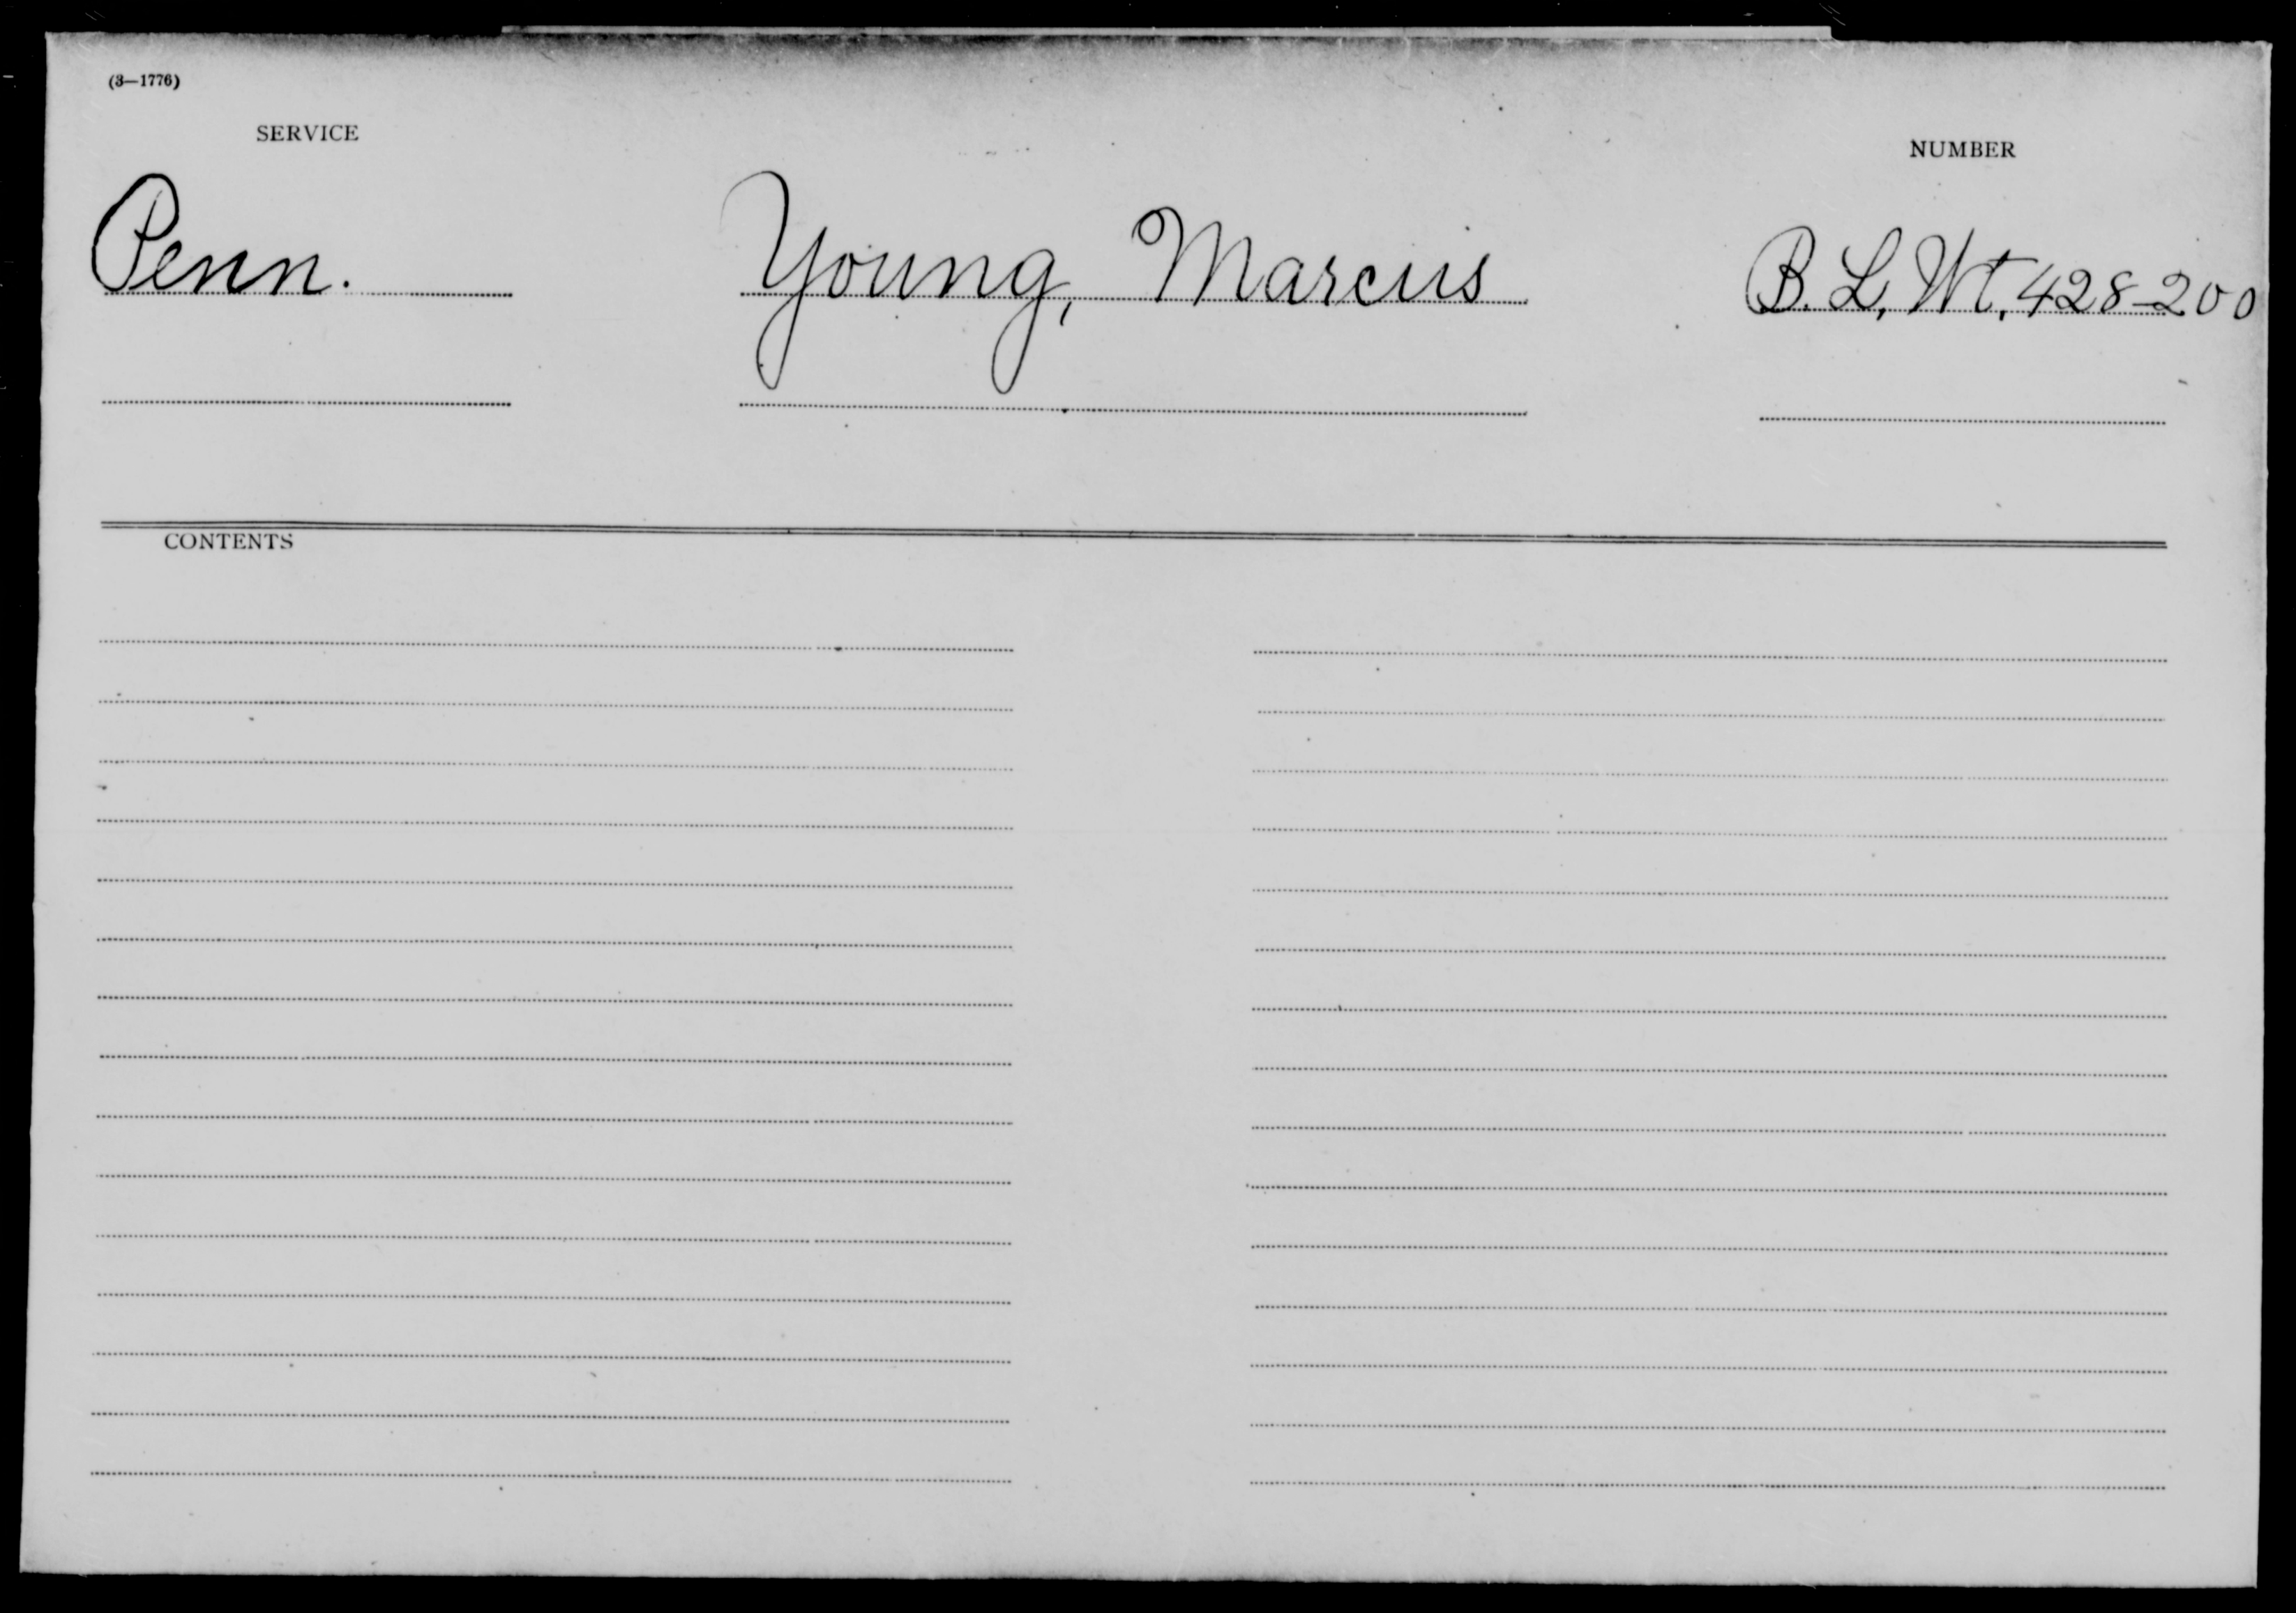SERVICE    Penn.
Young, Marcus
NUMBER  B. L. Wt. 428-200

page: 1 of 13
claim: bounty land warrant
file: B. L. Wt. 428-200, Marcus Young, Penn.